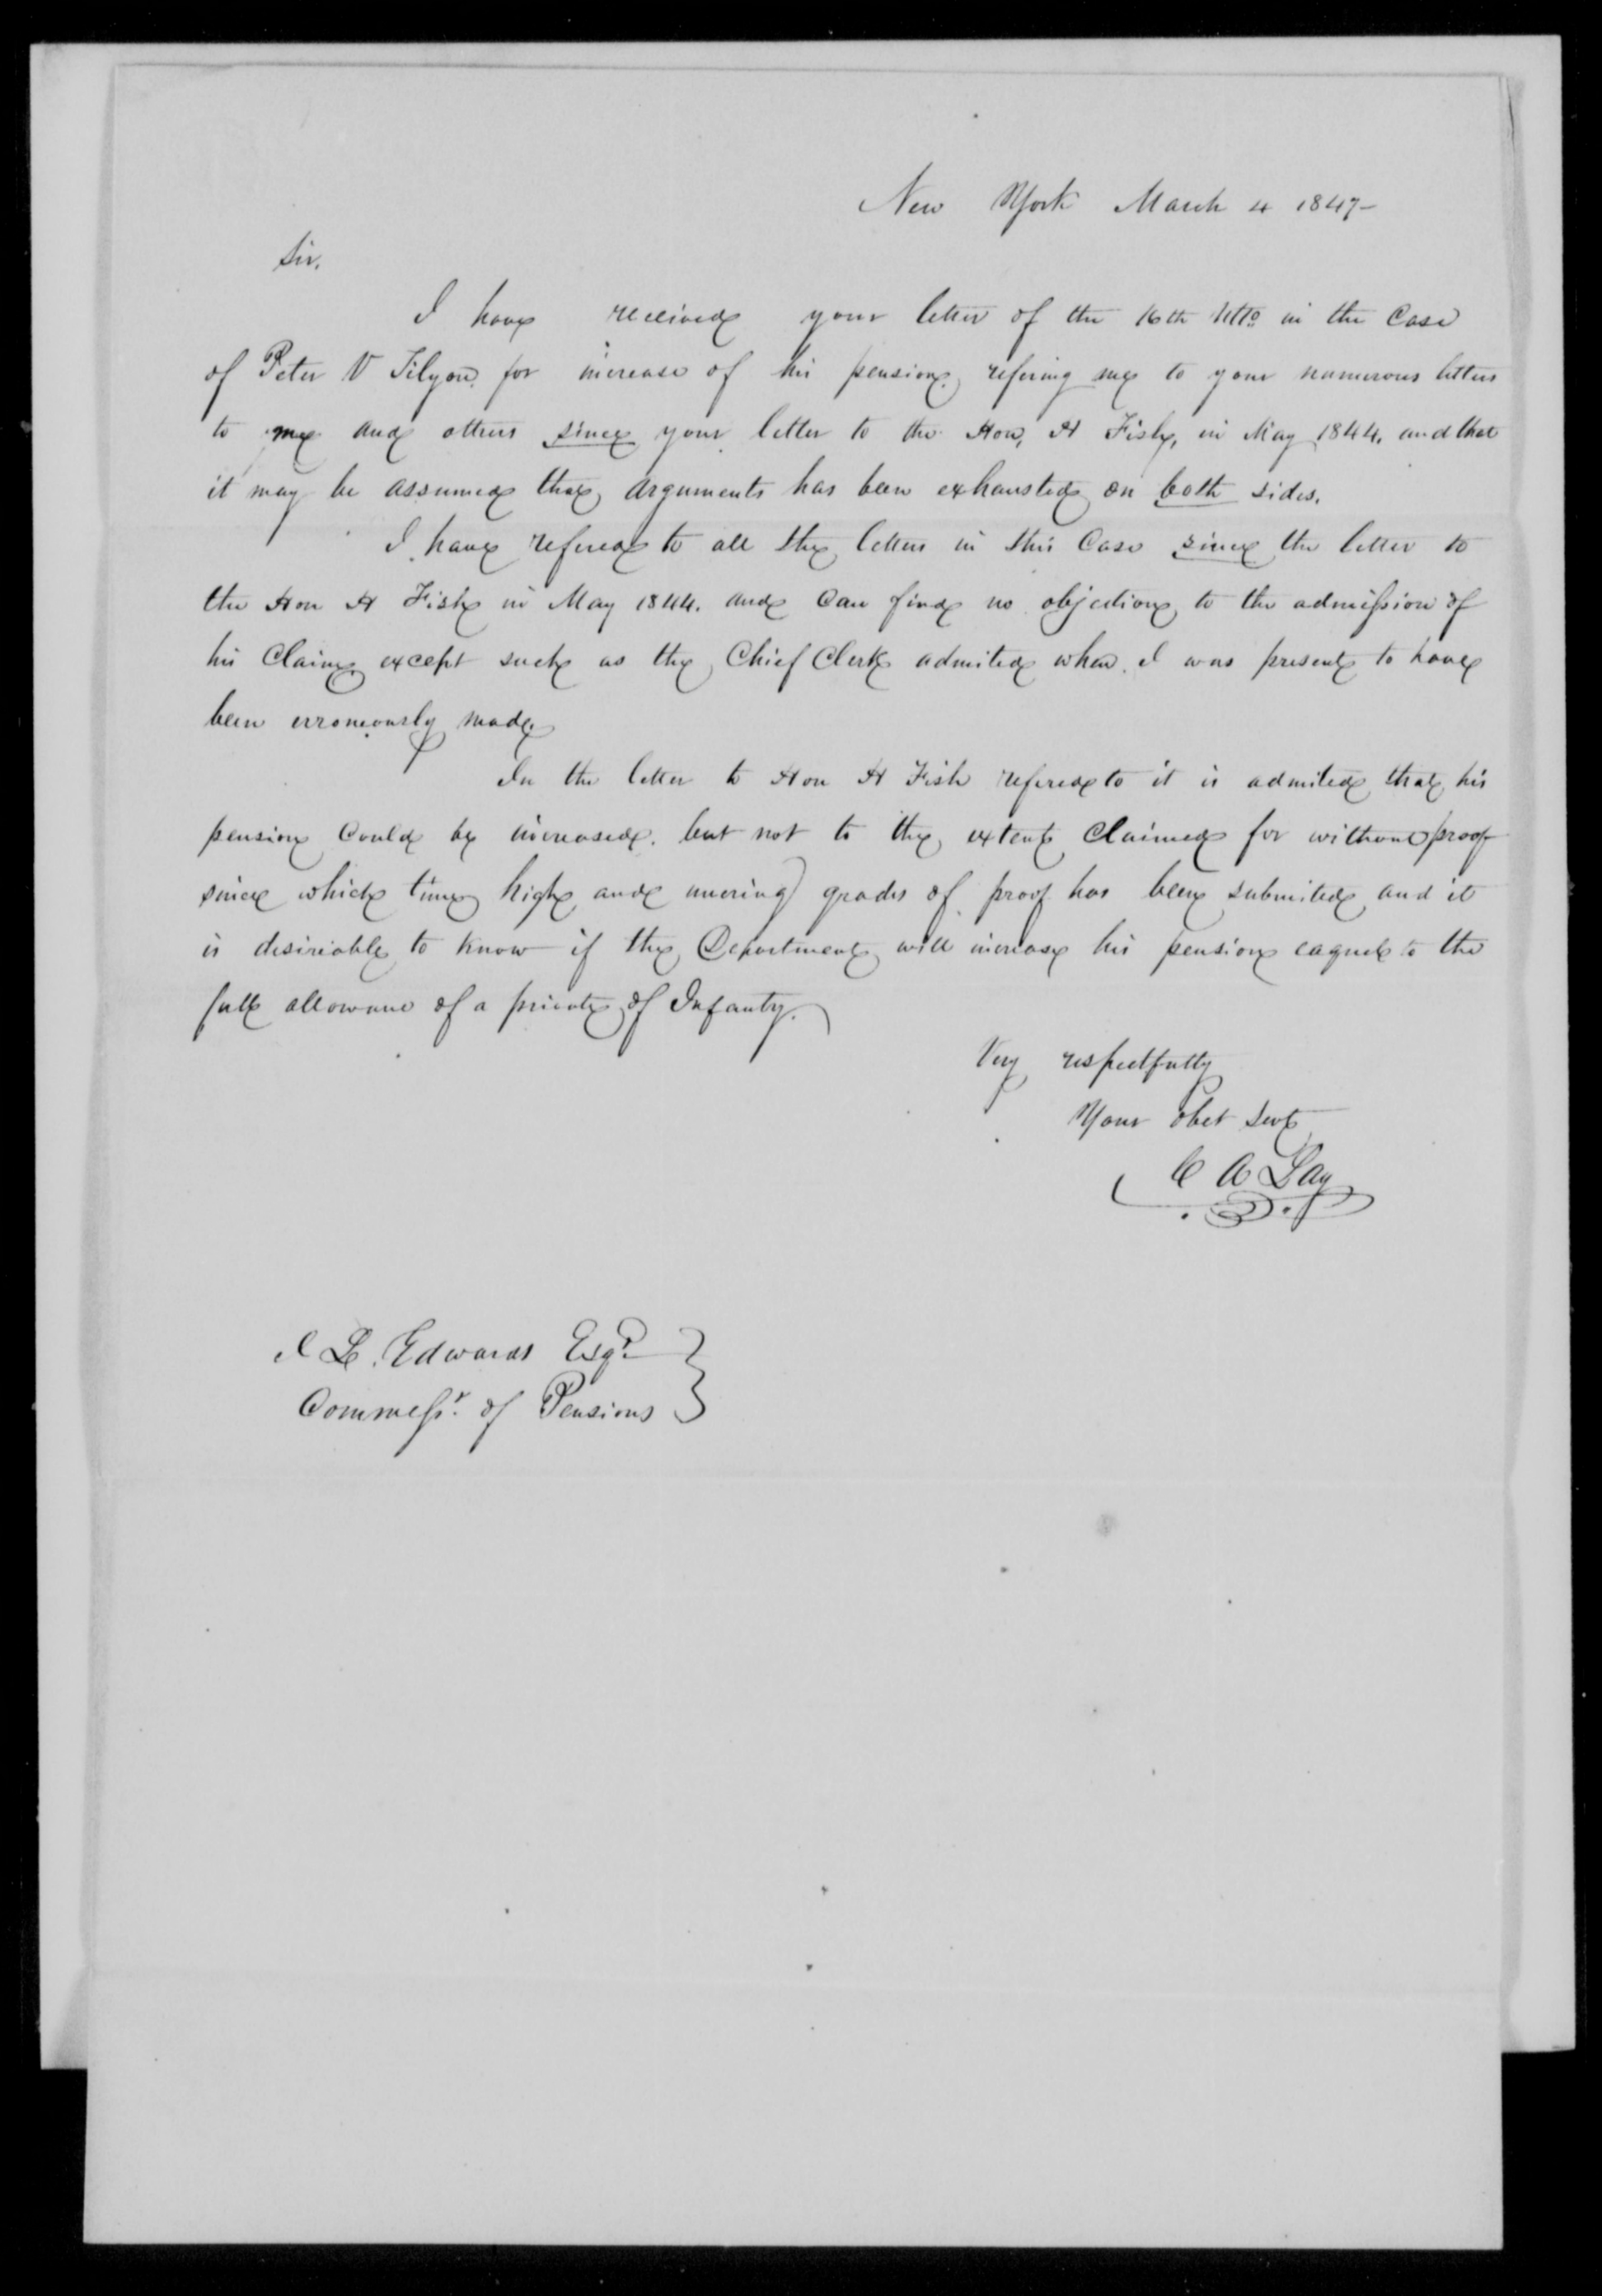New York March 4, 1847

Sir,
I have received your letter of the 16th ult in the case of Peter V. Tilyou for increase of his pension refering [referring] me to your numerous letters to me and others since your letter to the Hon. H Fish in May 1844, and that it may be assumed that argument has been exhausted on both sides.

I have refered [referred] to all the letters in this case since the letter to the Hon. H Fish in May 1844. and can find no objections to the admission of his claim except such as the Chief Clerk admited [admitted] when I was present to have  been erroneously made.

In the letter to Hon. H Fish referred to it is admited [admitted] that his pension could be increased but not to the extent claimed for without proof since which time high and [unering?] grades of proof has been submitted and it is desiriable [desirable]to know if the Department will increase his pension equal to the full allowance of a private of Infantry.

Very respectfully
Your obed Sevt
C A Lay

J L. Edwards Esqr
Commissr of Pensions }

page: 68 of 101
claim: widow's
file: W. 25481, for Peter V Tilyou, New Jersey